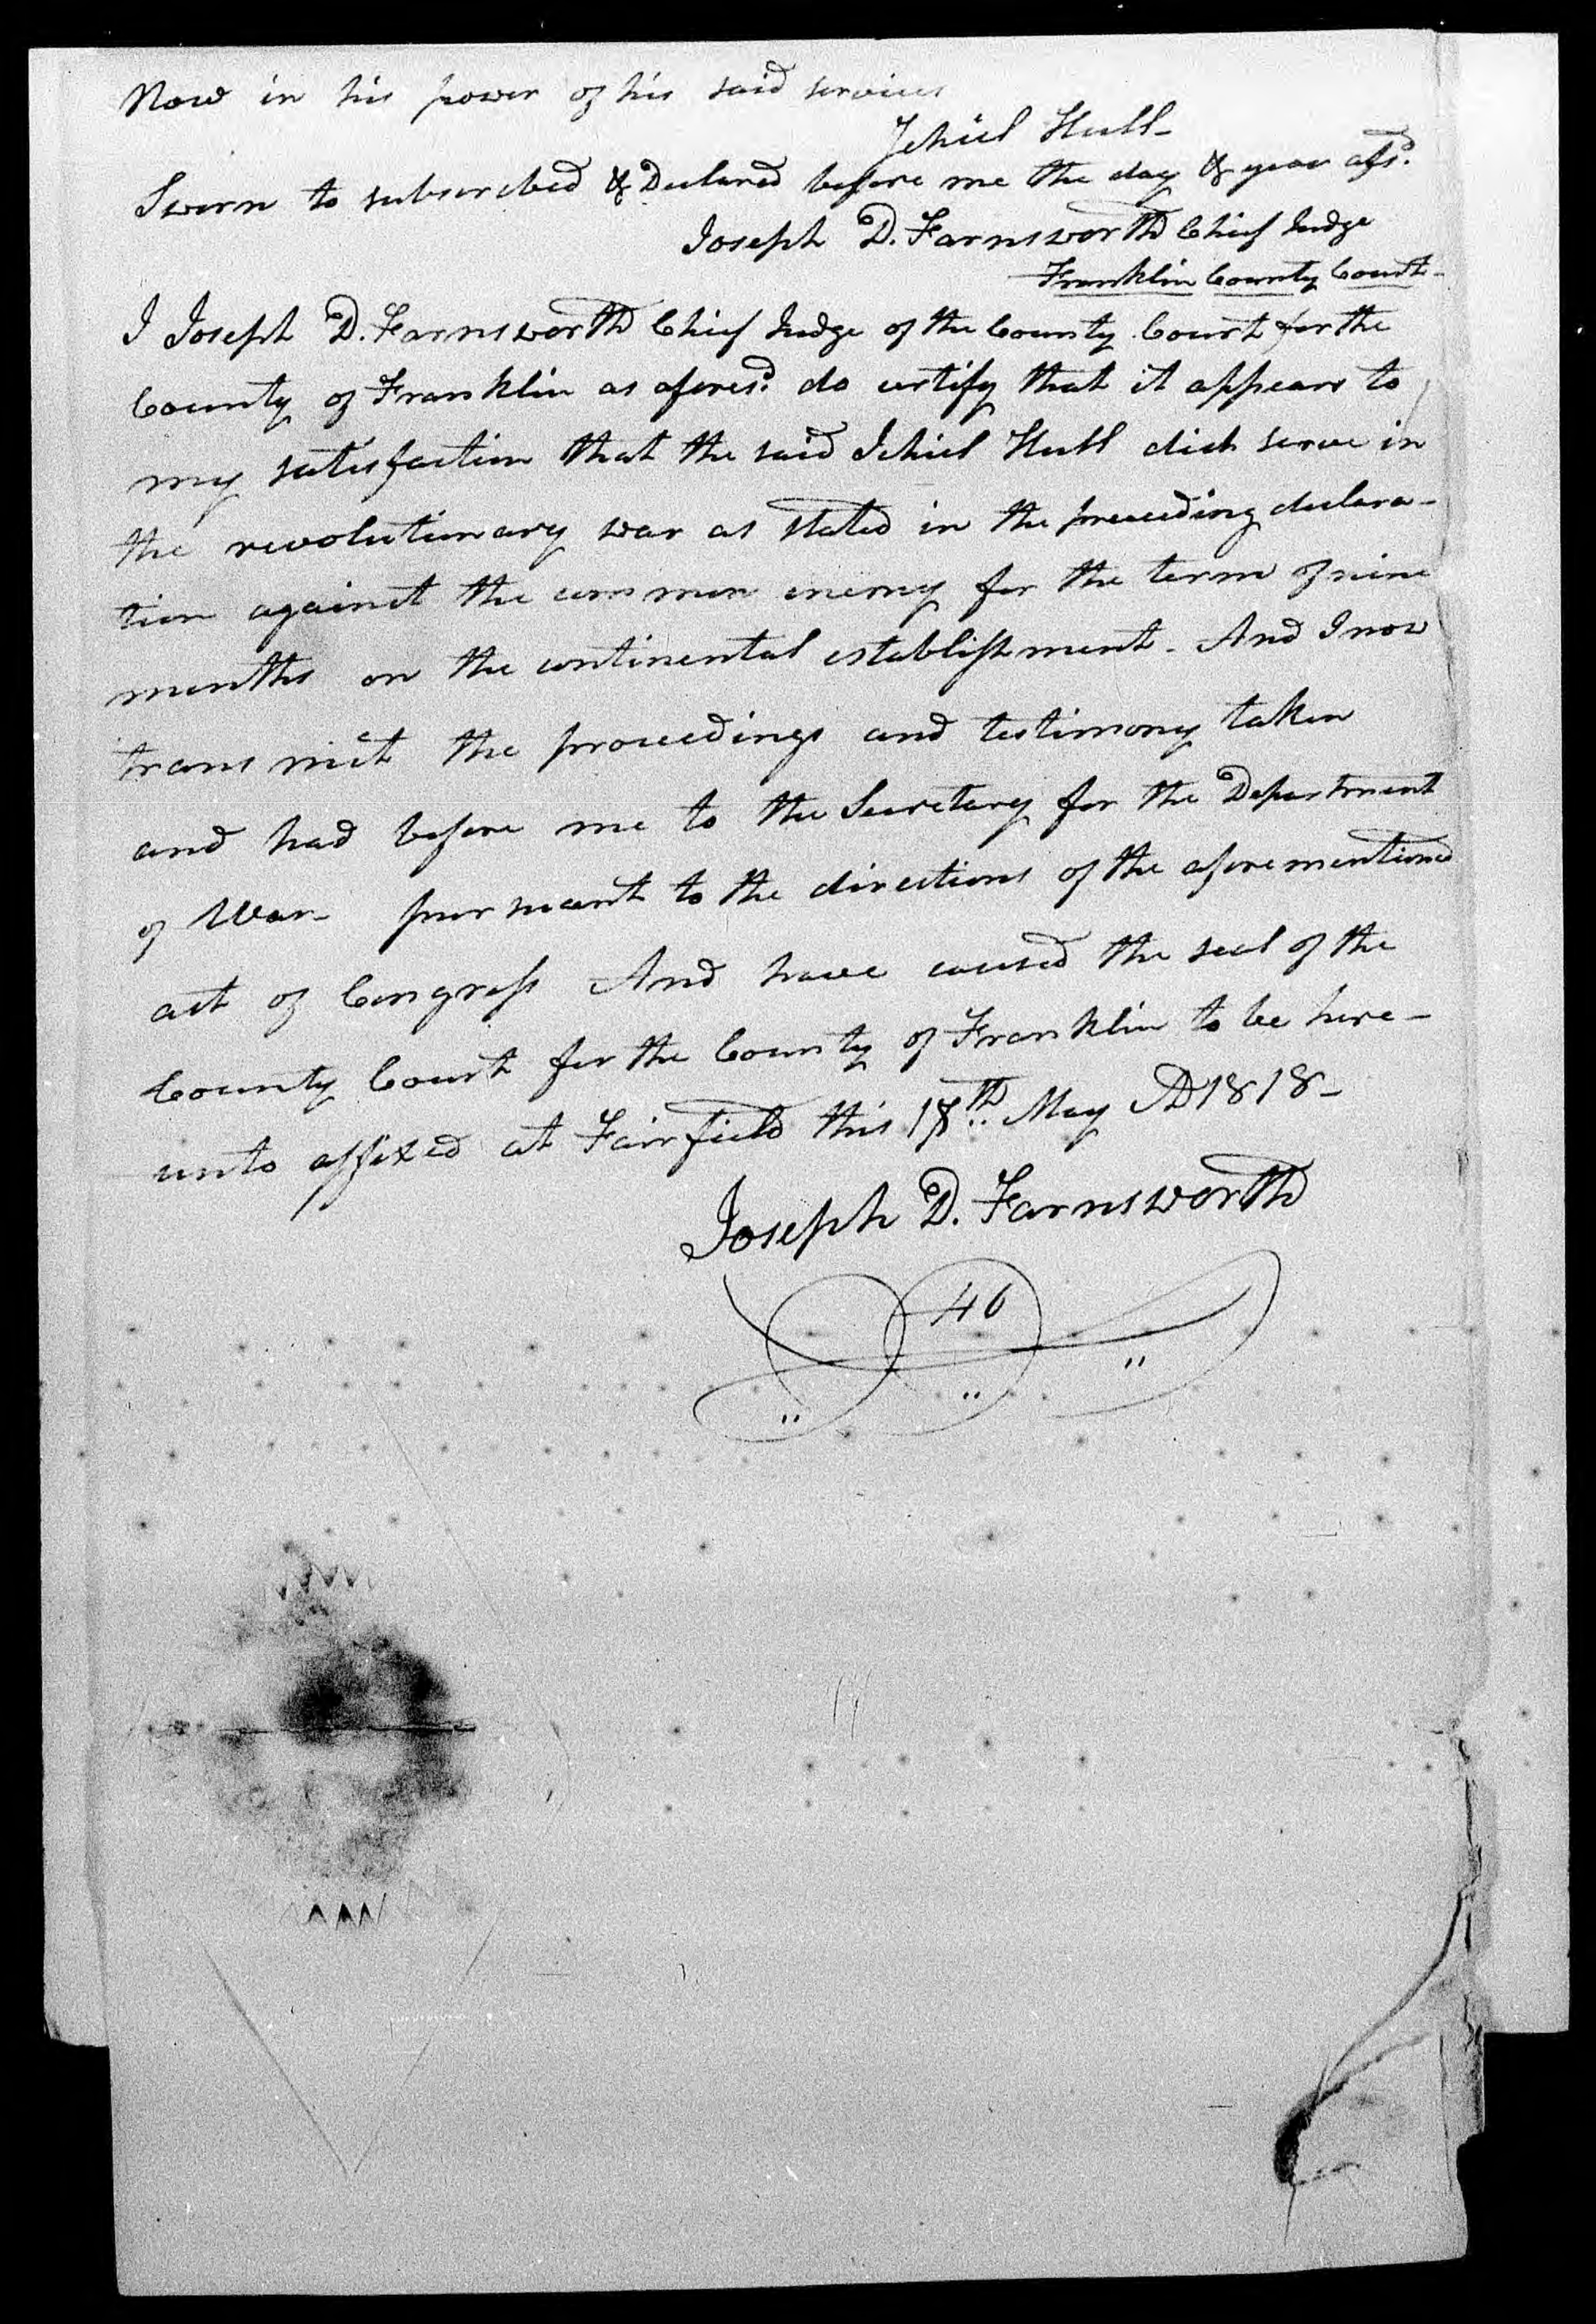Now in his power of his said service Jehiel Hull
Sworn to subscribed of District before me the day of year afs 
Joseph D. Farnsworth, Chief Judge
Franklin County Court
I Joseph D. Farnsworth CHief Judge of the County Court for the County of Franklin as aforesaid do certify that it appears to my satisfaction that the said Jehiel Hull did serve in the revolutionary war as stated in the preceding declaration against the common enemy for the term of nine months on the continental establishments. And I now transmit the proceedings and testimony taken and had before me to the Secretary for the Department of War - procurement to the directions of the aforementioned act of Congress and have cased the seal of the County Court for the County of Franklin to be here - into affixed at Fairfield this 18th May AD 1818 
Joseph D. Farnsworth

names: Joseph D Farnsworth, Jehiel Hull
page: 6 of 58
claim: widow's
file: W. 25813, Jehiel Hull, Conn.